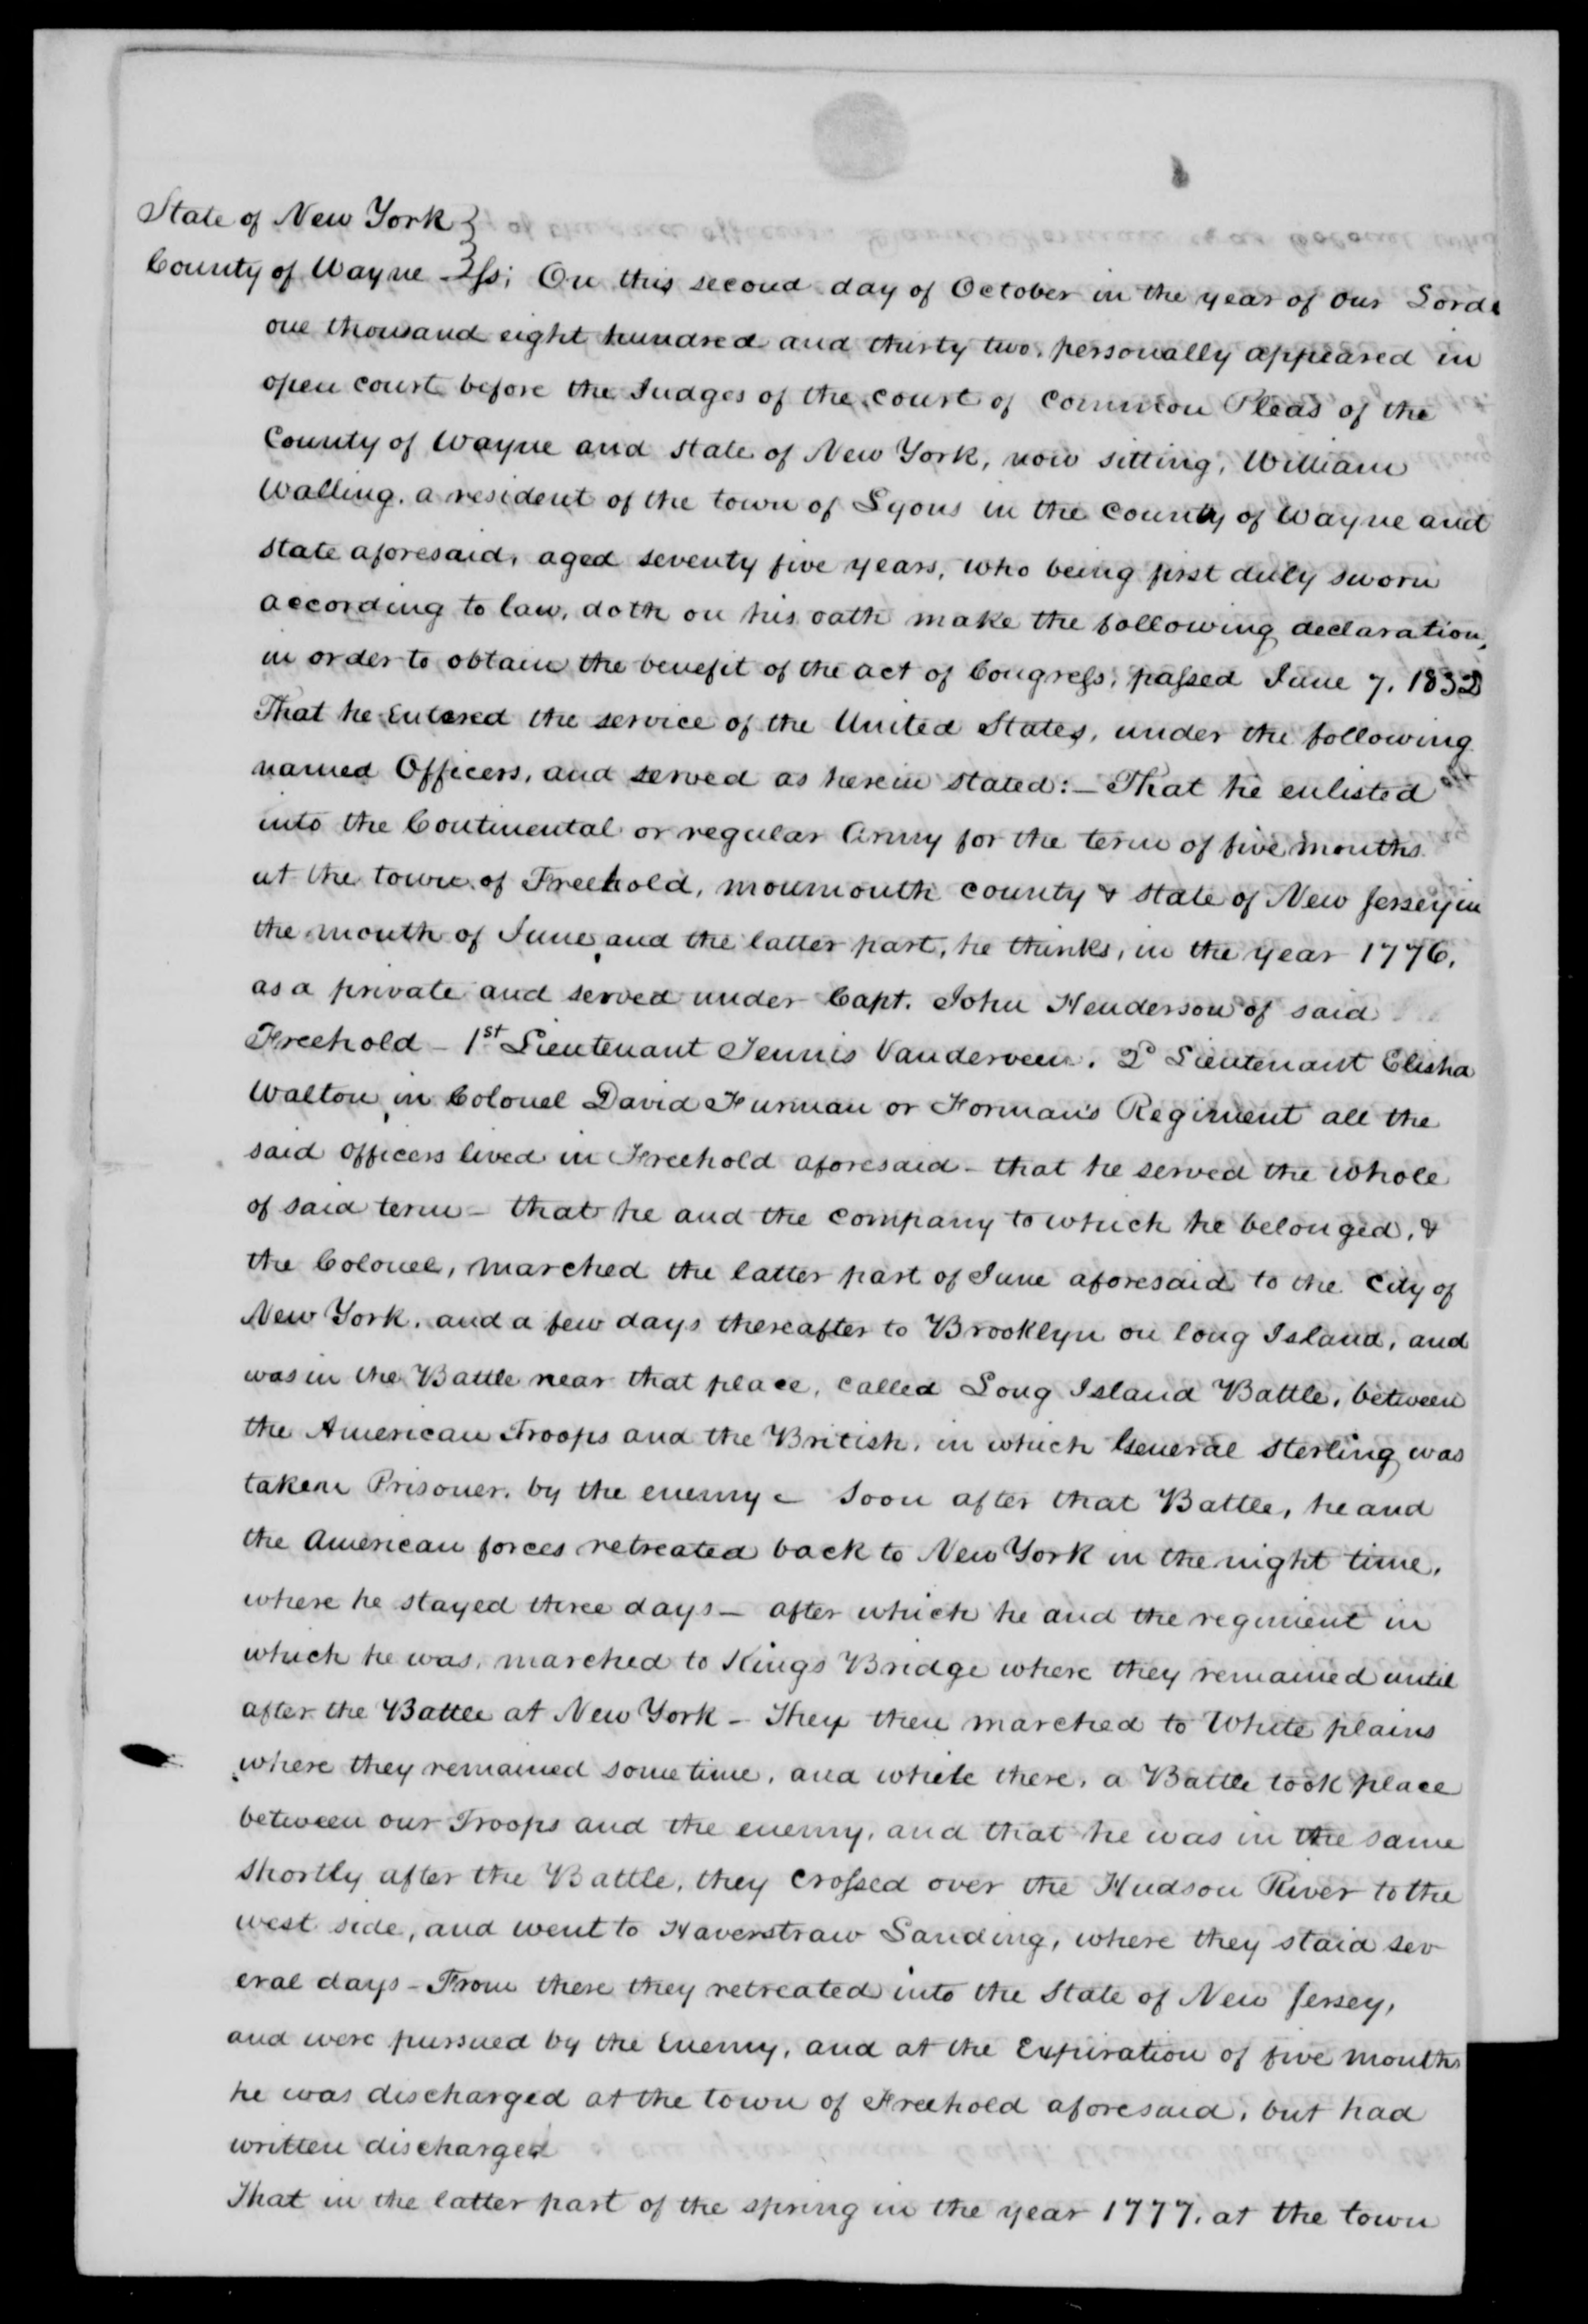State of New York
County of Wayne, ss
On this second day of October in the year of our Lord one thousand eight hundred and thirty two, personally appeared in open court before the Judges of the Court of Common Pleas of the County of Wayne and State of New York, now sitting, William Walling, a resident of the town of Lyons in the County of Wayne and State aforesaid, aged seventy five years, who being first duly sworn according to law, doth on his oath make the following declaration in order to obtain the benefit of the act of Congress passed June 7, 1832.  That he entered the service of the United States, under the following named Officers, and served as herein stated: - That he enlisted into the Continental or regular Army for the term of five months at the town of Freehold, Monmouth County & State of New Jersey in the month of June and the latter part, he thinks, in the year 1776, as a private and served under Capt. John Henderson of said Freehold - 1st Lieutenant Teunis Vanderveer, 2nd Lieutenant Elisha Walton in Colonel David Furman or Forman's Regiment all the said officers lived in Freehold aforesaid - that he served the whole of said term - that he and the company to which he belonged & the Colonel, marched the latter part of June aforesaid to the City of New York and a few days thereafter to Brooklyn or Long Island, and was in the Battle near that place, called Long Island Battle between the American Troops and the British, in which General Sterling was taken Prisoner by the enemy.  Soon after that Battle, he and the American forces retreated back to New York in the night time, where he stayed three days - after which he and the regiment in which he was, marched to Kings Bridge where they remained until after the Battle at New York.  They then marched to White Plains where they remained some time, and while there, a Battle took place between our Troops and the enemy, and that he was in the same, shortly after the Battle, they crossed over the Hudson River to the west side, and went to Haverstraw Landing, where they (staid, sic) stayed several days.  From there they retreated into the State of New Jersey, and were pursued by the enemy, and at the expiration of five months he was discharged at the town of Freehold aforesaid, but had written discharged.  That in the latter part of the spring in the year 1777 at the town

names: John Henderson, David Furman, Teunis Vanderveen, William Walling, Elisha Walton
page: 39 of 66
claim: widow's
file: W. 19588, William Walling, New Jersey